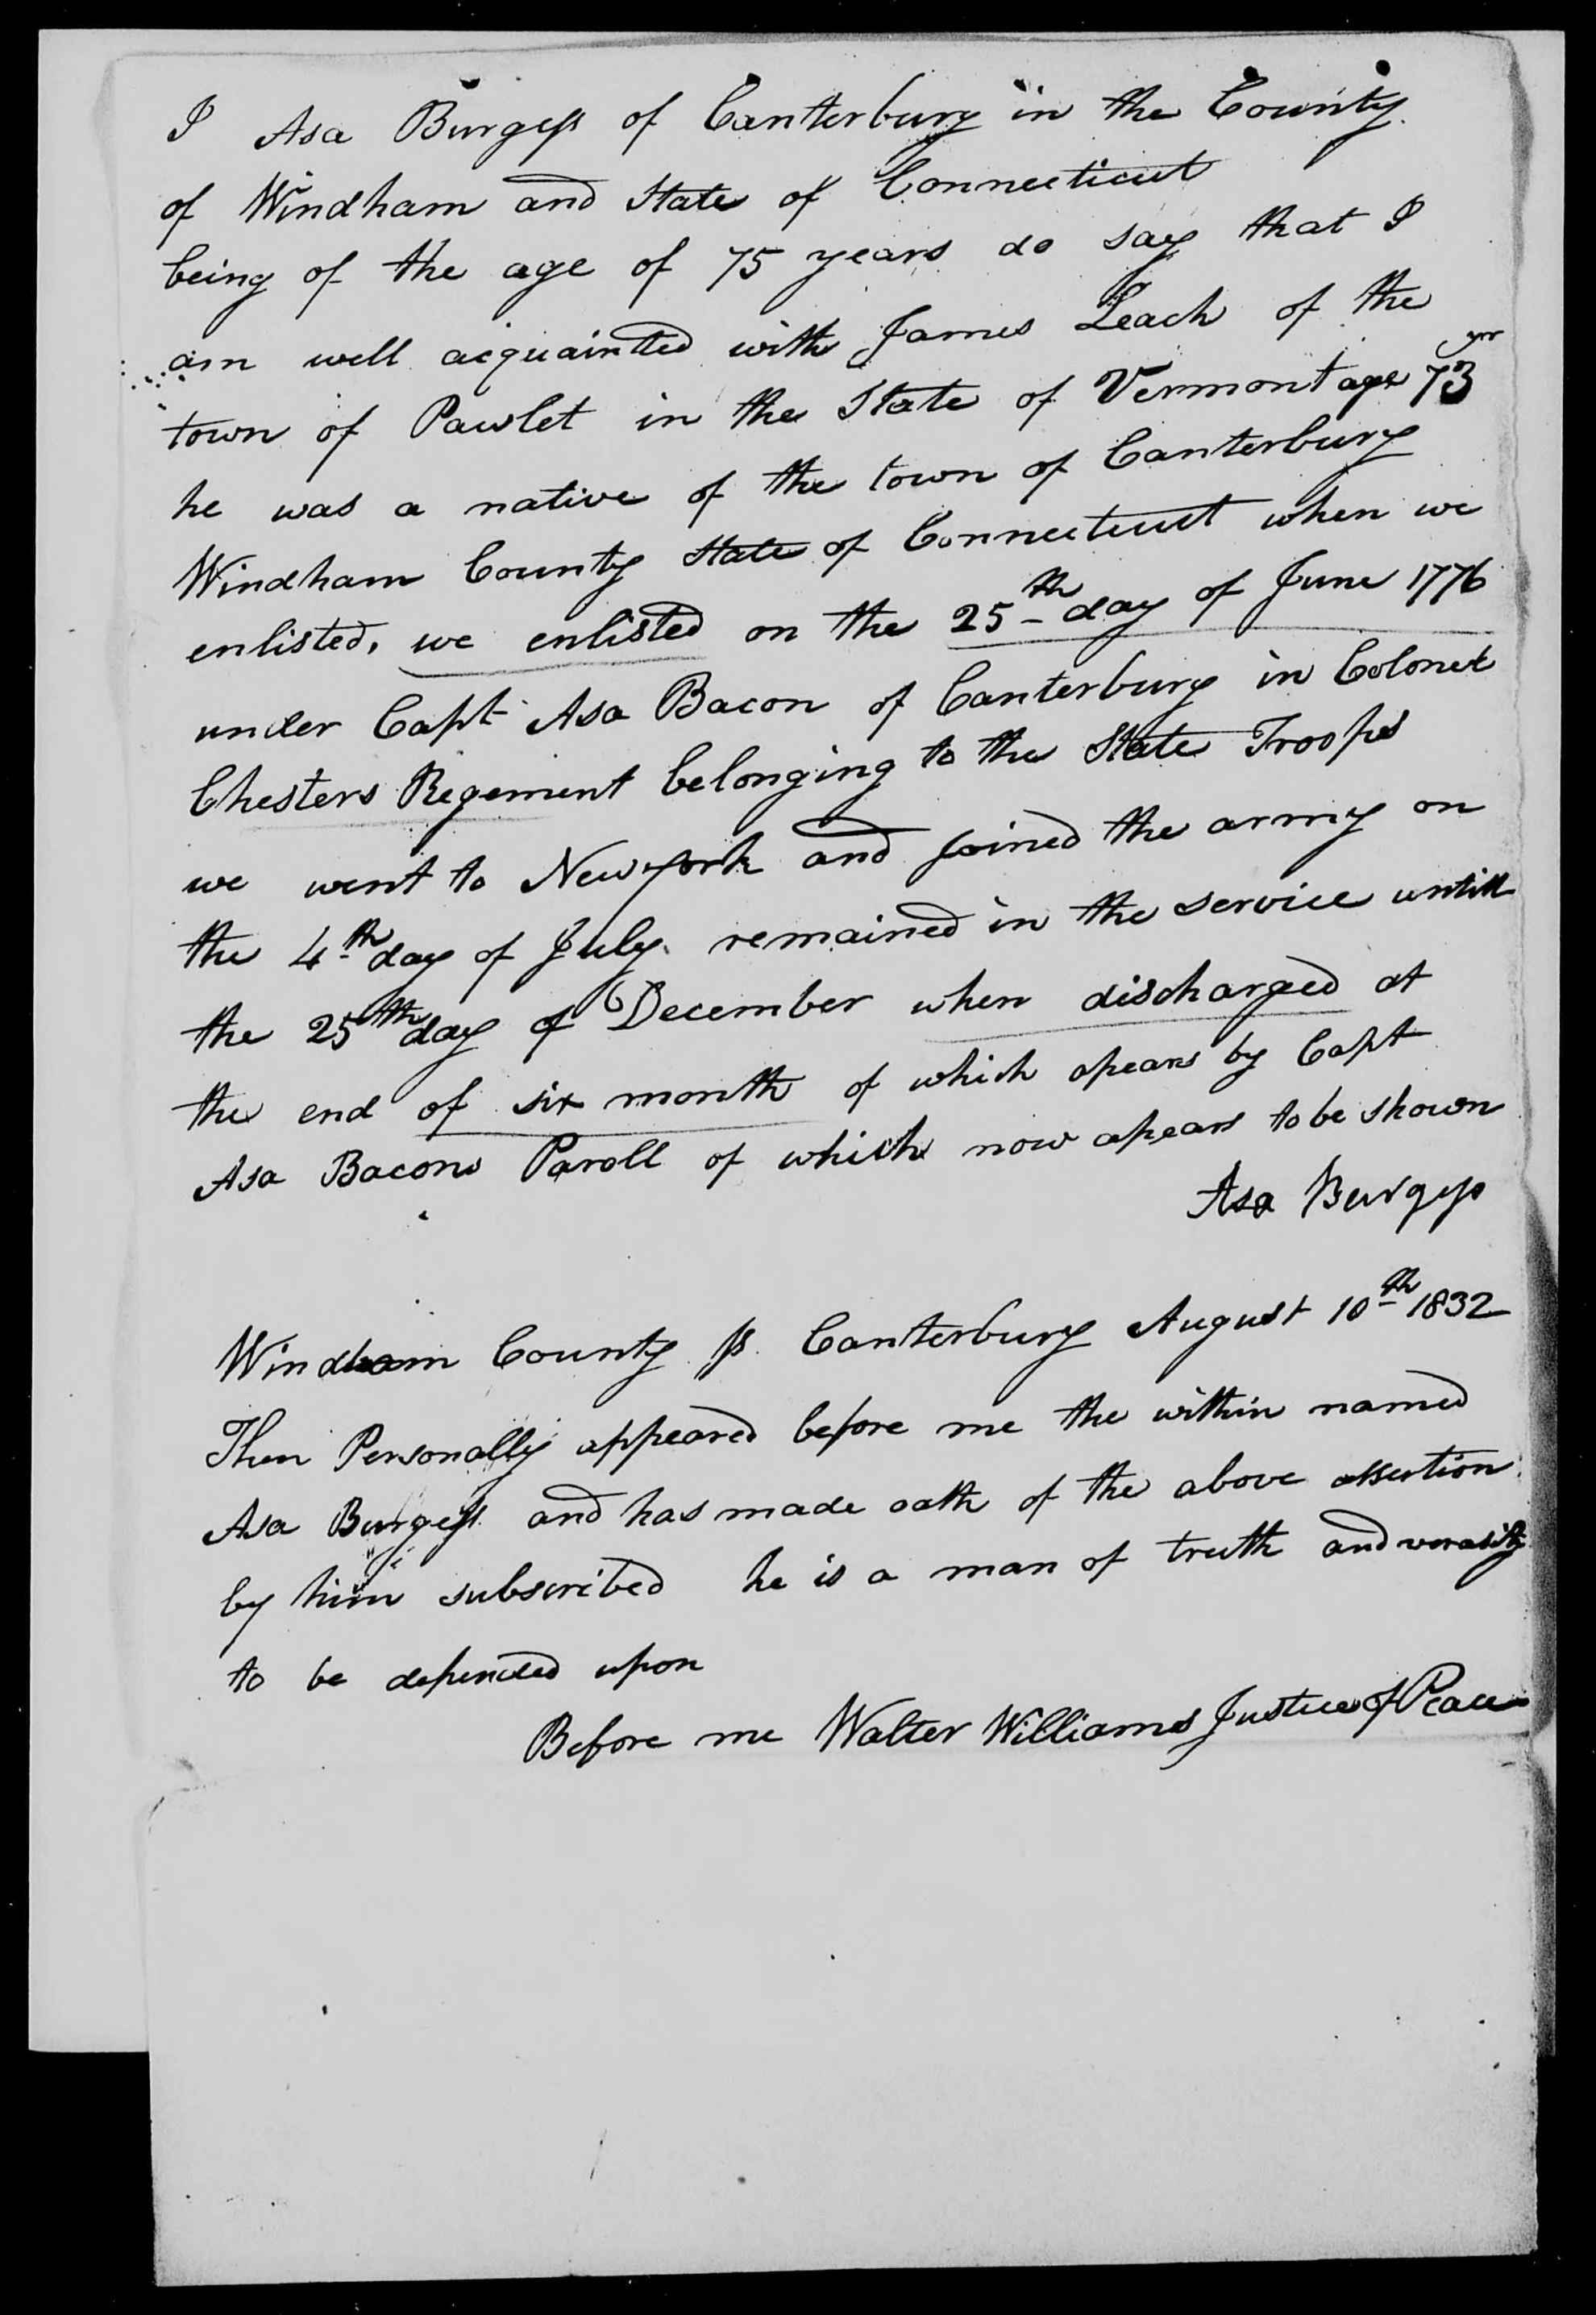I Asa Burgess of Canterbury in the County of Windham and State of Connecticut being of the age of 75 years do say that I am well acquainted with James Leach of the town of Pawlet in the State of Vermont age 73 yr he was a native of the town of Canterbury Windham County State of Connecticut when we enlisted, we enlisted on the 25th day of June 1776 under Capt Asa Bacon of Canterbury in Colonel Chesters Regiment belonging to the State Troops we went to New York and joined the army on the 4th day of July remained in the service until the 25th day of December when discharged at the end of six month of which appears by Capt Asa Bacons Parroll of which now appears to be shown
Asa Burgess

Windham County Ss Canterbury August 10th 1832
Then personally appeared before me the written named Asa Burgess and has made oath to the above assertion by him subscribed he is a man of truth and verasity to be depended upon
Before me Walter Williams Justice of Peace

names: Asa Bacon; James Leach; Walter Williams; Asa Burgess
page: 11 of 27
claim: widow's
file: W. 24,500, for James Leach, Connecticut